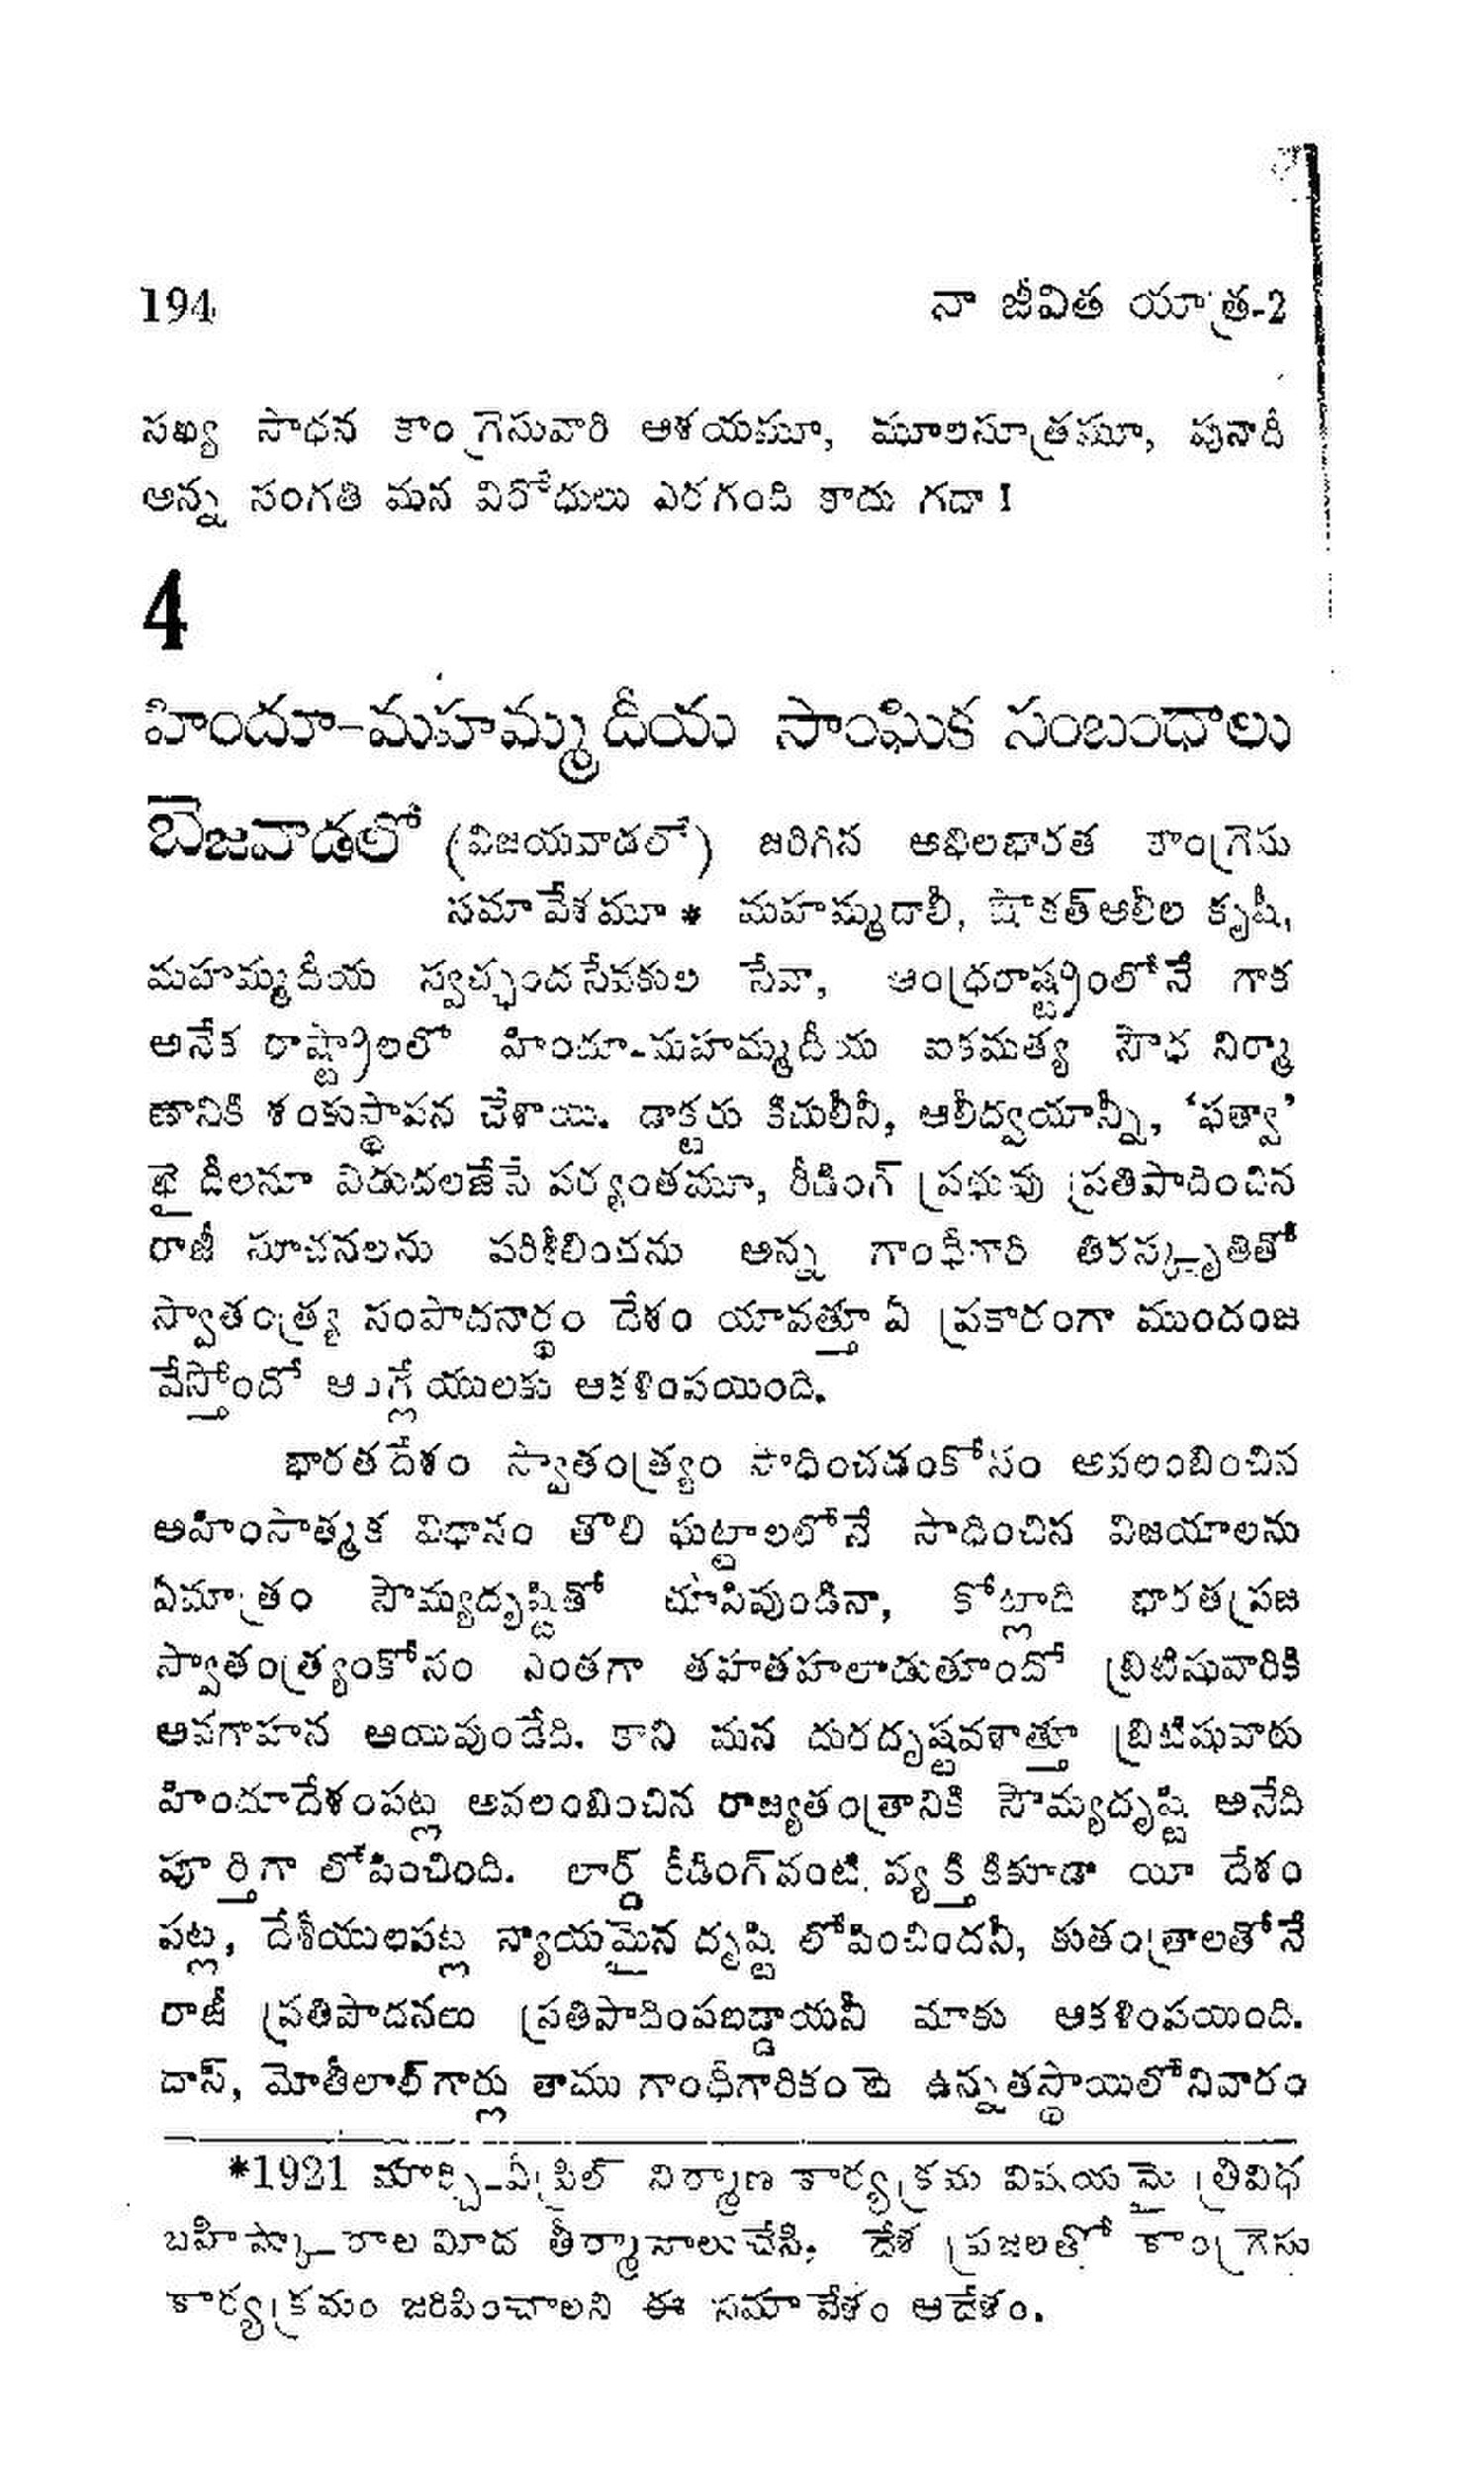సఖ్య సాధన కాంగ్రెసువారి ఆశయమూ, మూలసూత్రమూ, పునాదీ అన్న సంగతి మన విరోధులు ఎరగంది కాదు గదా!

బెజవాడలో (విజయవాడలో) జరిగిన అఖిలభారత కాంగ్రెసు సమావేశమూ *మహమ్మదాలీ, షౌకత్‌అలీల కృషీ, మహమ్మదీయ స్వచ్ఛందసేవకుల సేవా, ఆంధ్రరాష్ట్రంలోనే గాక అనేక రాష్ట్రాలలో హిందూ-మహమ్మదీయ ఐకమత్య సౌధ నిర్మాణానికి శంకుస్థాపన చేశాయి. డాక్టరు కిచులీనీ, అలీద్వయాన్నీ, "ఫత్వా" ఖైదీలనూ విడుదలజేసే పర్యంతమూ, రీడింగ్ ప్రభువు ప్రతిపాదించిన రాజీ సూచనలను పరిశీలించను అన్న గాంధీగారి తిరస్కృతితో స్వాతంత్ర్య సంపాదనార్థం దేశం యావత్తూ ఏ ప్రకారంగా ముందంజ వేస్తోందో ఆంగ్లేయులకు ఆకళింపయింది.

భారతదేశం స్వాతంత్ర్యం సాధించడంకోసం అవలంబించిన అహింసాత్మక విధానం తొలి ఘట్టాలలోనే సాధించిన విజయాలను ఏమాత్రం సౌమ్యదృష్టితో చూసివుండినా, కోట్లాది భారత ప్రజ స్వాతంత్ర్యంకోసం ఎంతగా తహతహలాడుతుందో బ్రిటిషువారికి అవగాహన అయివుండేది. కాని మన దురదృష్టవశాత్తూ బ్రిటిషువారు హిందూదేశంపట్ల అవలంబించిన రాజ్యతంత్రానికి సౌమ్యదృష్టి అనేది పూర్తిగా లోపించింది. లార్డ్ రీడింగ్‌వంటి వ్యక్తికికూడా యీ దేశం పట్ల, దేశీయులపట్ల న్యాయమైన దృష్టి లోపించిందనీ, కుతంత్రాలతోనే రాజీ ప్రతిపాదనలు ప్రతిపాదింపబడ్డాయనీ మాకు ఆకళింపయింది. దాస్, మోతిలాల్ గార్లు తాము గాంధీగారికంటె ఉన్నతస్థాయిలోనివారం